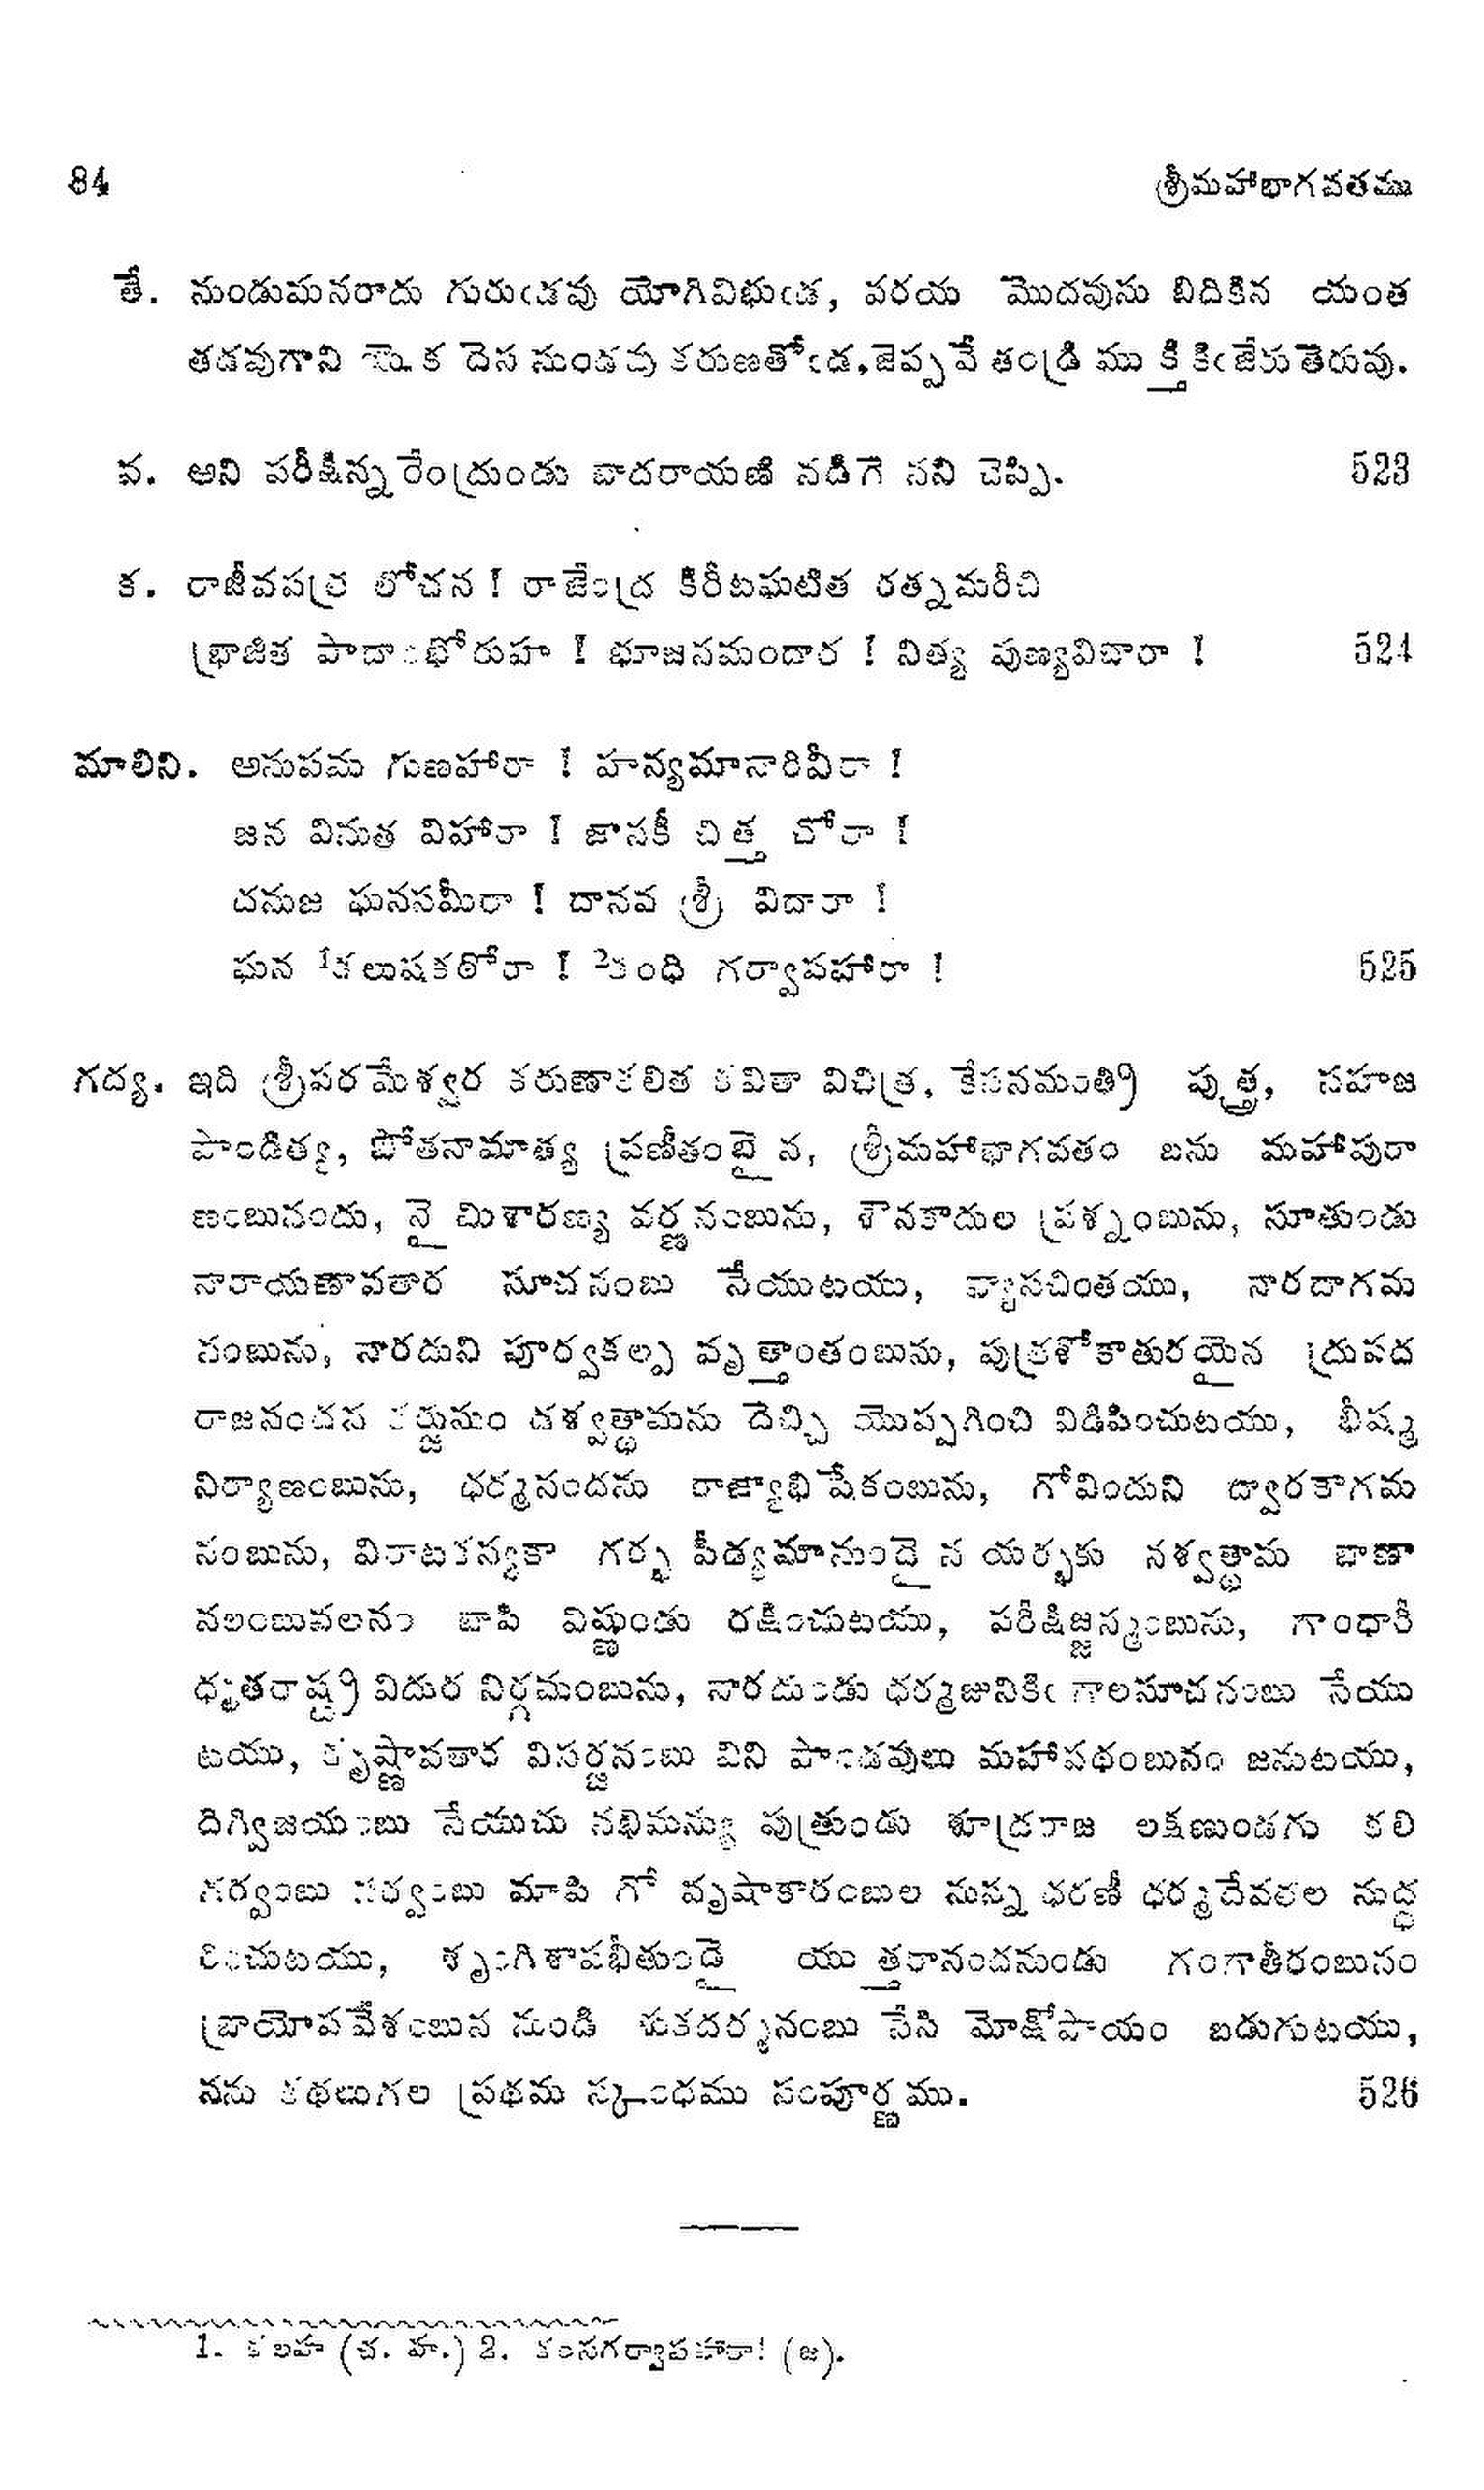84

తే. నుండుమనరాదు గురుఁడవు యోగివిభుఁడ, వరయ మొదవున బిదికిన యంత

తడవుగాని దెస నుండవు కరణతోఁడ, జెప్పవే తండ్రి ముక్తికిఁజేరుతెరువు. (523)

వ. అని పరీక్షిన్న రేంద్రుండు బాదరాయణి నడిగె నని చెప్పి. (524)

క. రాజీవపత్ర లోచన ! రాజేంద్ర కిరీటఘటిత రత్న మరీచి

భాజిత పాదాంభోరుహ ! భూజనమందార ! నిత్య పుణ్యవిచారా ! (525)

మాలిని. అనుపమ గుణహారా ! హన్యమానారివీరా !

జన వినుత విహారా ! జానకిఇ చిత్త చోరా !

దనుజ ఘనసమీరా ! దానవ శ్రీ విదారా !

ఘన కలుషకఠోరా ! కంధి గర్వాపహారా ! (526)

గద్య. ఇది శ్రీపరమేశ్వర కరుణాకలిత కవితావిచిత్ర, కేసనమంత్రి పుత్త్ర, సహజపాండిత్య, పోతనామాత్య ప్రణీతంబైన, శ్రీమహాభాగవతం బను మహాపురాణంబు నందు, నైమిశారణ్య వర్ణనంబున, శౌనకాదుల ప్రశ్నంబును, సూతుండు నారాయణావతార సూచనంబు సేయుటయు, వ్యాసచింతయు, నారదాగమనంబును, నారదుని పూర్వకల్ప వృత్తాంతంబును, పుత్రశోకాతురయైన ద్రుపద రాజనందన కర్ణునుం డశ్వత్థామను దెచ్చి యొప్పగించి విడిపించుటయు, భీష్మ నిర్యాణంబును, ధర్మనందను రాజ్యాభిషేకంబును, గోవిందుని ద్వారకాగమనంబును, విరాటకన్యకాగర్భ పీడ్యమానుండైన యర్భకు నశ్వత్థామ బాణానలంబువలనం బాసి విష్ణుండు రక్షించుటయు, పరీక్షిజ్జన్మంబును, గాంధారీ ధృతరాష్ట్ర విదుర నిర్గమంబును, నారదుండు ధర్మజునికిఁ గాలసూచనంబు సేయుటయు, కృష్ణావతార విసార్జనంబు విని పాండవులు మహాపథంబునం జనుటయు, దిగ్విజయంబు సేయుచు నభిమన్యుపుత్రుండు శూద్రరాజ లక్షణుండగు కలిగర్వంబు సర్వంబు మాపి గో వృషాకారంబుల నున్న ధరణీ ధర్మదేవతల నుద్ధరించుటయు, శృంగిశాపభీతుండై యుత్తరానందనుండు గంగాతీరంబునం బ్రాయోపవేశంబున నుండి శుకదర్శనంబు సేసి మోక్షోపాయం బడుగుట నను కథలగల ప్రథమస్కంధము సంపూర్ణము. (527)

 హరిః ఓమ్ తత్సత్